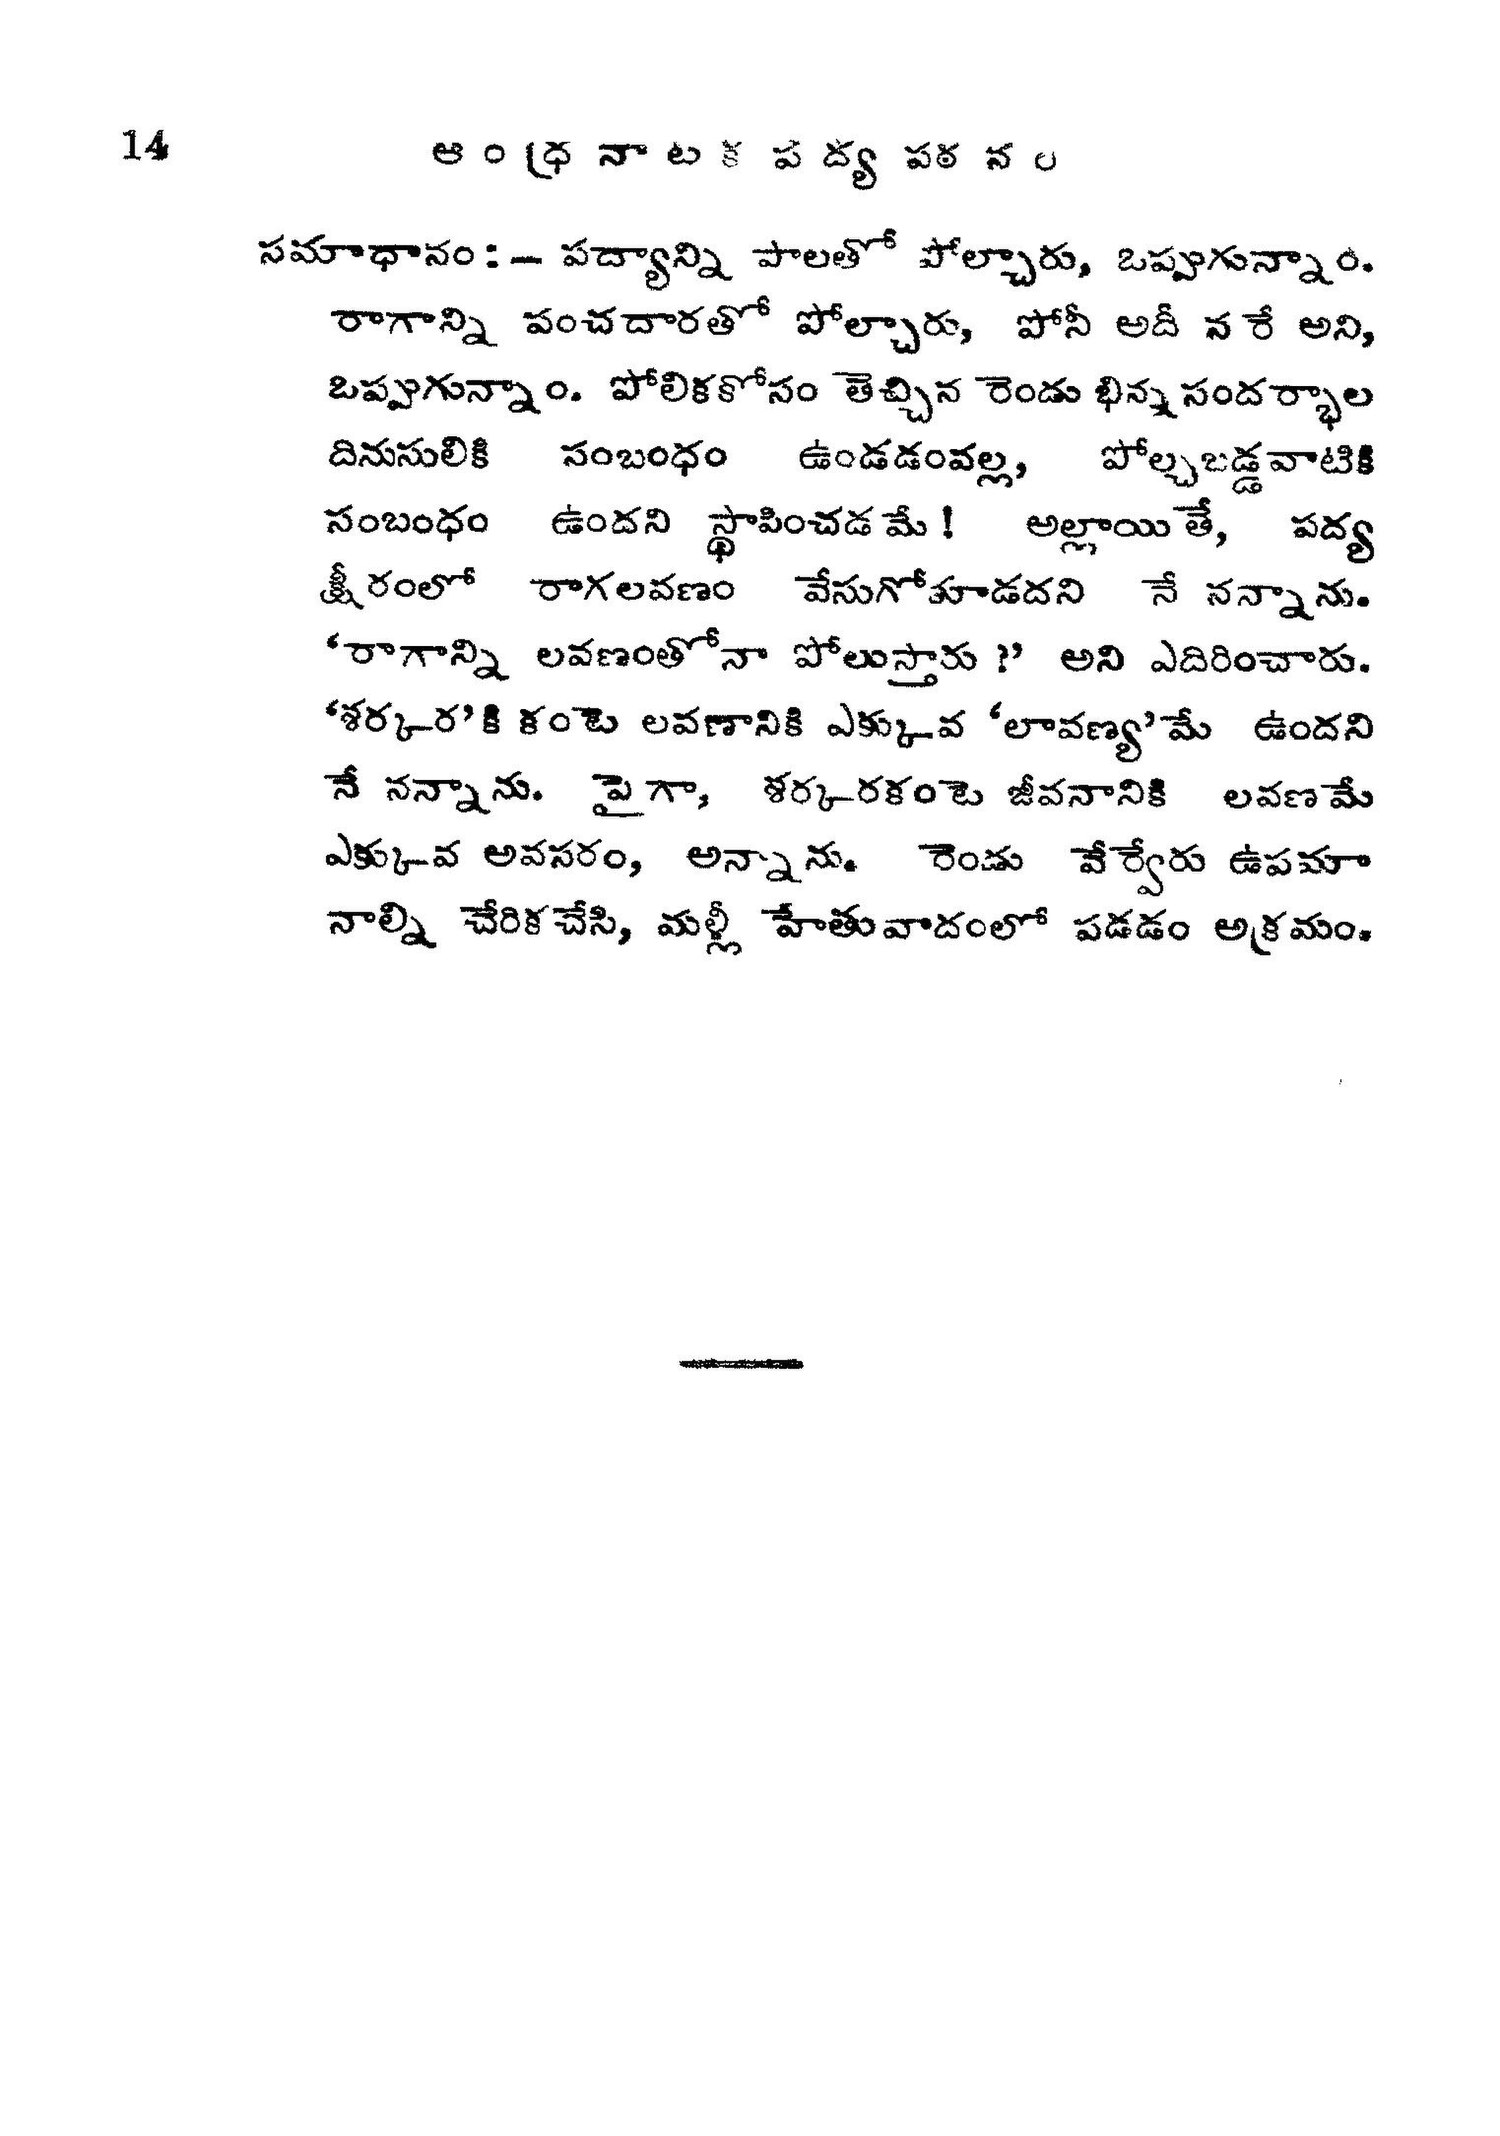సమాధానం:–పద్యాన్ని పాలతో పోల్చారు, ఒప్పుగున్నాం. రాగాన్ని పంచదారతో పోల్చారు, పోనీ అదీ సరే అని, ఒప్పుగున్నాం. పోలికకోసం తెచ్చిన రెండు భిన్నసందర్భాల దినుసులికి సంబంధం ఉండడంవల్ల, పోల్చబడ్డవాటికి సంబంధం ఉందని స్థాపించడమే! అల్లాయితే, పద్యక్షీరంలో రాగలవణం వేసుగోకూడదని నే నన్నాను. 'రాగాన్ని లవణంతోనా పోలుస్తారు?' అని ఎదిరించారు.
'శర్కర'కి కంటె లవణానికి ఎక్కువ 'లావణ్య'మే ఉందని నే నన్నాను. పైగా, శర్కరకంటె జీవనానికి లవణమే ఎక్కువ అవసరం, అన్నాను. రెండు వేర్వేరు ఉపమానాల్ని చేరికచేసి, మళ్లీ హేతువాదంలో పడడం అక్రమం.